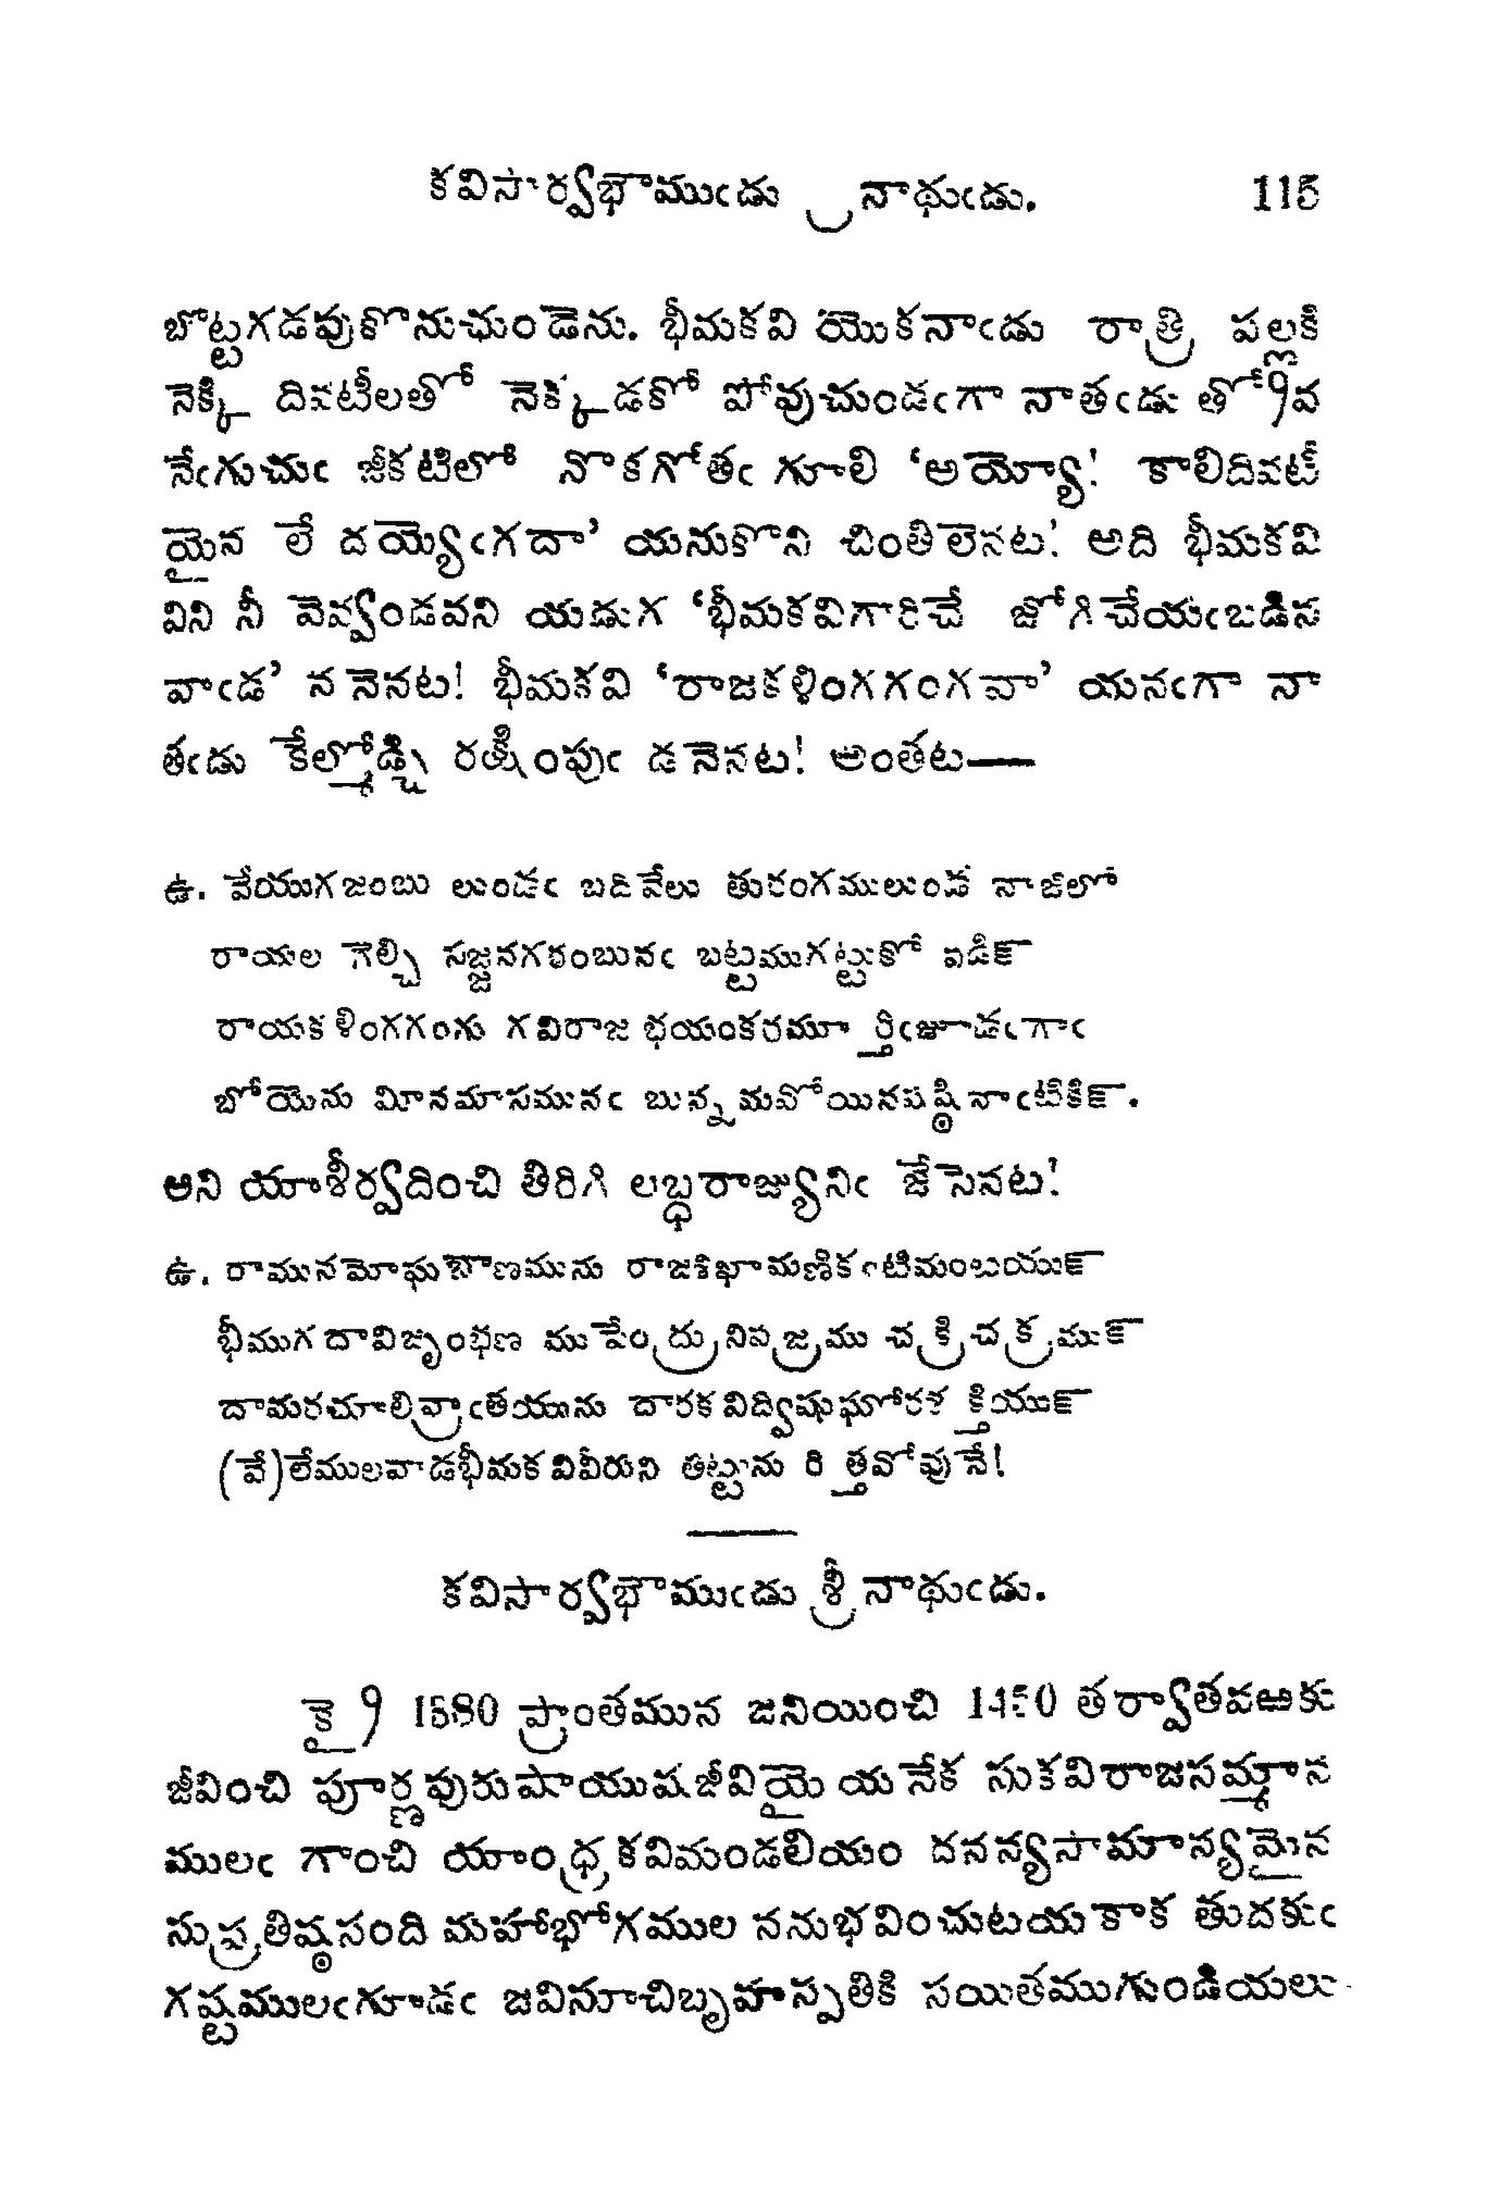బొట్టగడపుకొనుచుండెను. భీమకవి యొకనాఁడు రాత్రి పల్లకి నెక్కి దివటీలతో నెక్కడకో పోవుచుండఁగా నాతఁడు త్రోవ నేఁగుచుఁ జీకటిలో నొకగోతఁ గూలి ‘అయ్యో! కాలిదివటీ యైన లే దయ్యెఁగదా’ యనుకొని చింతిలెనఁట! అది భీమకవి విని ‘నీ వెవ్వండ’ వని యడుగ ‘భీమకవిగారిచే జోగి చేయఁబడినవాఁడ’ ననెనఁట! భీమకవి ‘రాజకళింగగంగువా’ యనఁగా నాతఁడు కేల్మోడ్చి ‘రక్షింపుఁ’ డనెనఁట! అంతట—
ఉ. వేయుగజంబు లుండఁ బదివేలు తురంగము లుండ నాజిలో
 రాయల గెల్చి సజ్జనగరంబునఁ బట్టము గట్టుకో వడిన్
 రాయకళింగగంగు కవిరాజ భయంకరమూర్తిఁ జూడఁగాఁ
 బోయెని మీనమాసమునఁ బున్నమవోయినషష్ఠినాఁటికిన్.
అని యాశీర్వదించి తిరిగి లబ్ధరాజ్యునిఁ జేసెనఁట!
ఉ. రామునమోఘబాణమున రాజశిఖామణికంటిమంటయున్
 భీముగదావిజృంభణ ముపేంద్రునివజ్రము చక్రిచక్రమున్
 దామరచూలివ్రాఁతయును దారకవిద్విషుఘోరశక్తియున్
 (వే)లేములవాడభీమకవివీరుని తిట్టును రిత్తవోవునే!

క్రై.1380 ప్రాంతమున జనియించి 1450 తర్వాతవఱకు జీవించి పూర్ణపురుషాయుషజీవియై యనేకసుకవిరాజసమ్మానములఁ గాంచి యాంధ్రకవిమండలియం దనన్యసామాన్యమైన సుప్రతిష్ఠ నంది మహాభోగముల ననుభవించుటయకాక తుదకుఁ గష్టములఁగూడఁ జవిసూచి బృహస్పతికి సయితము గుండియలు